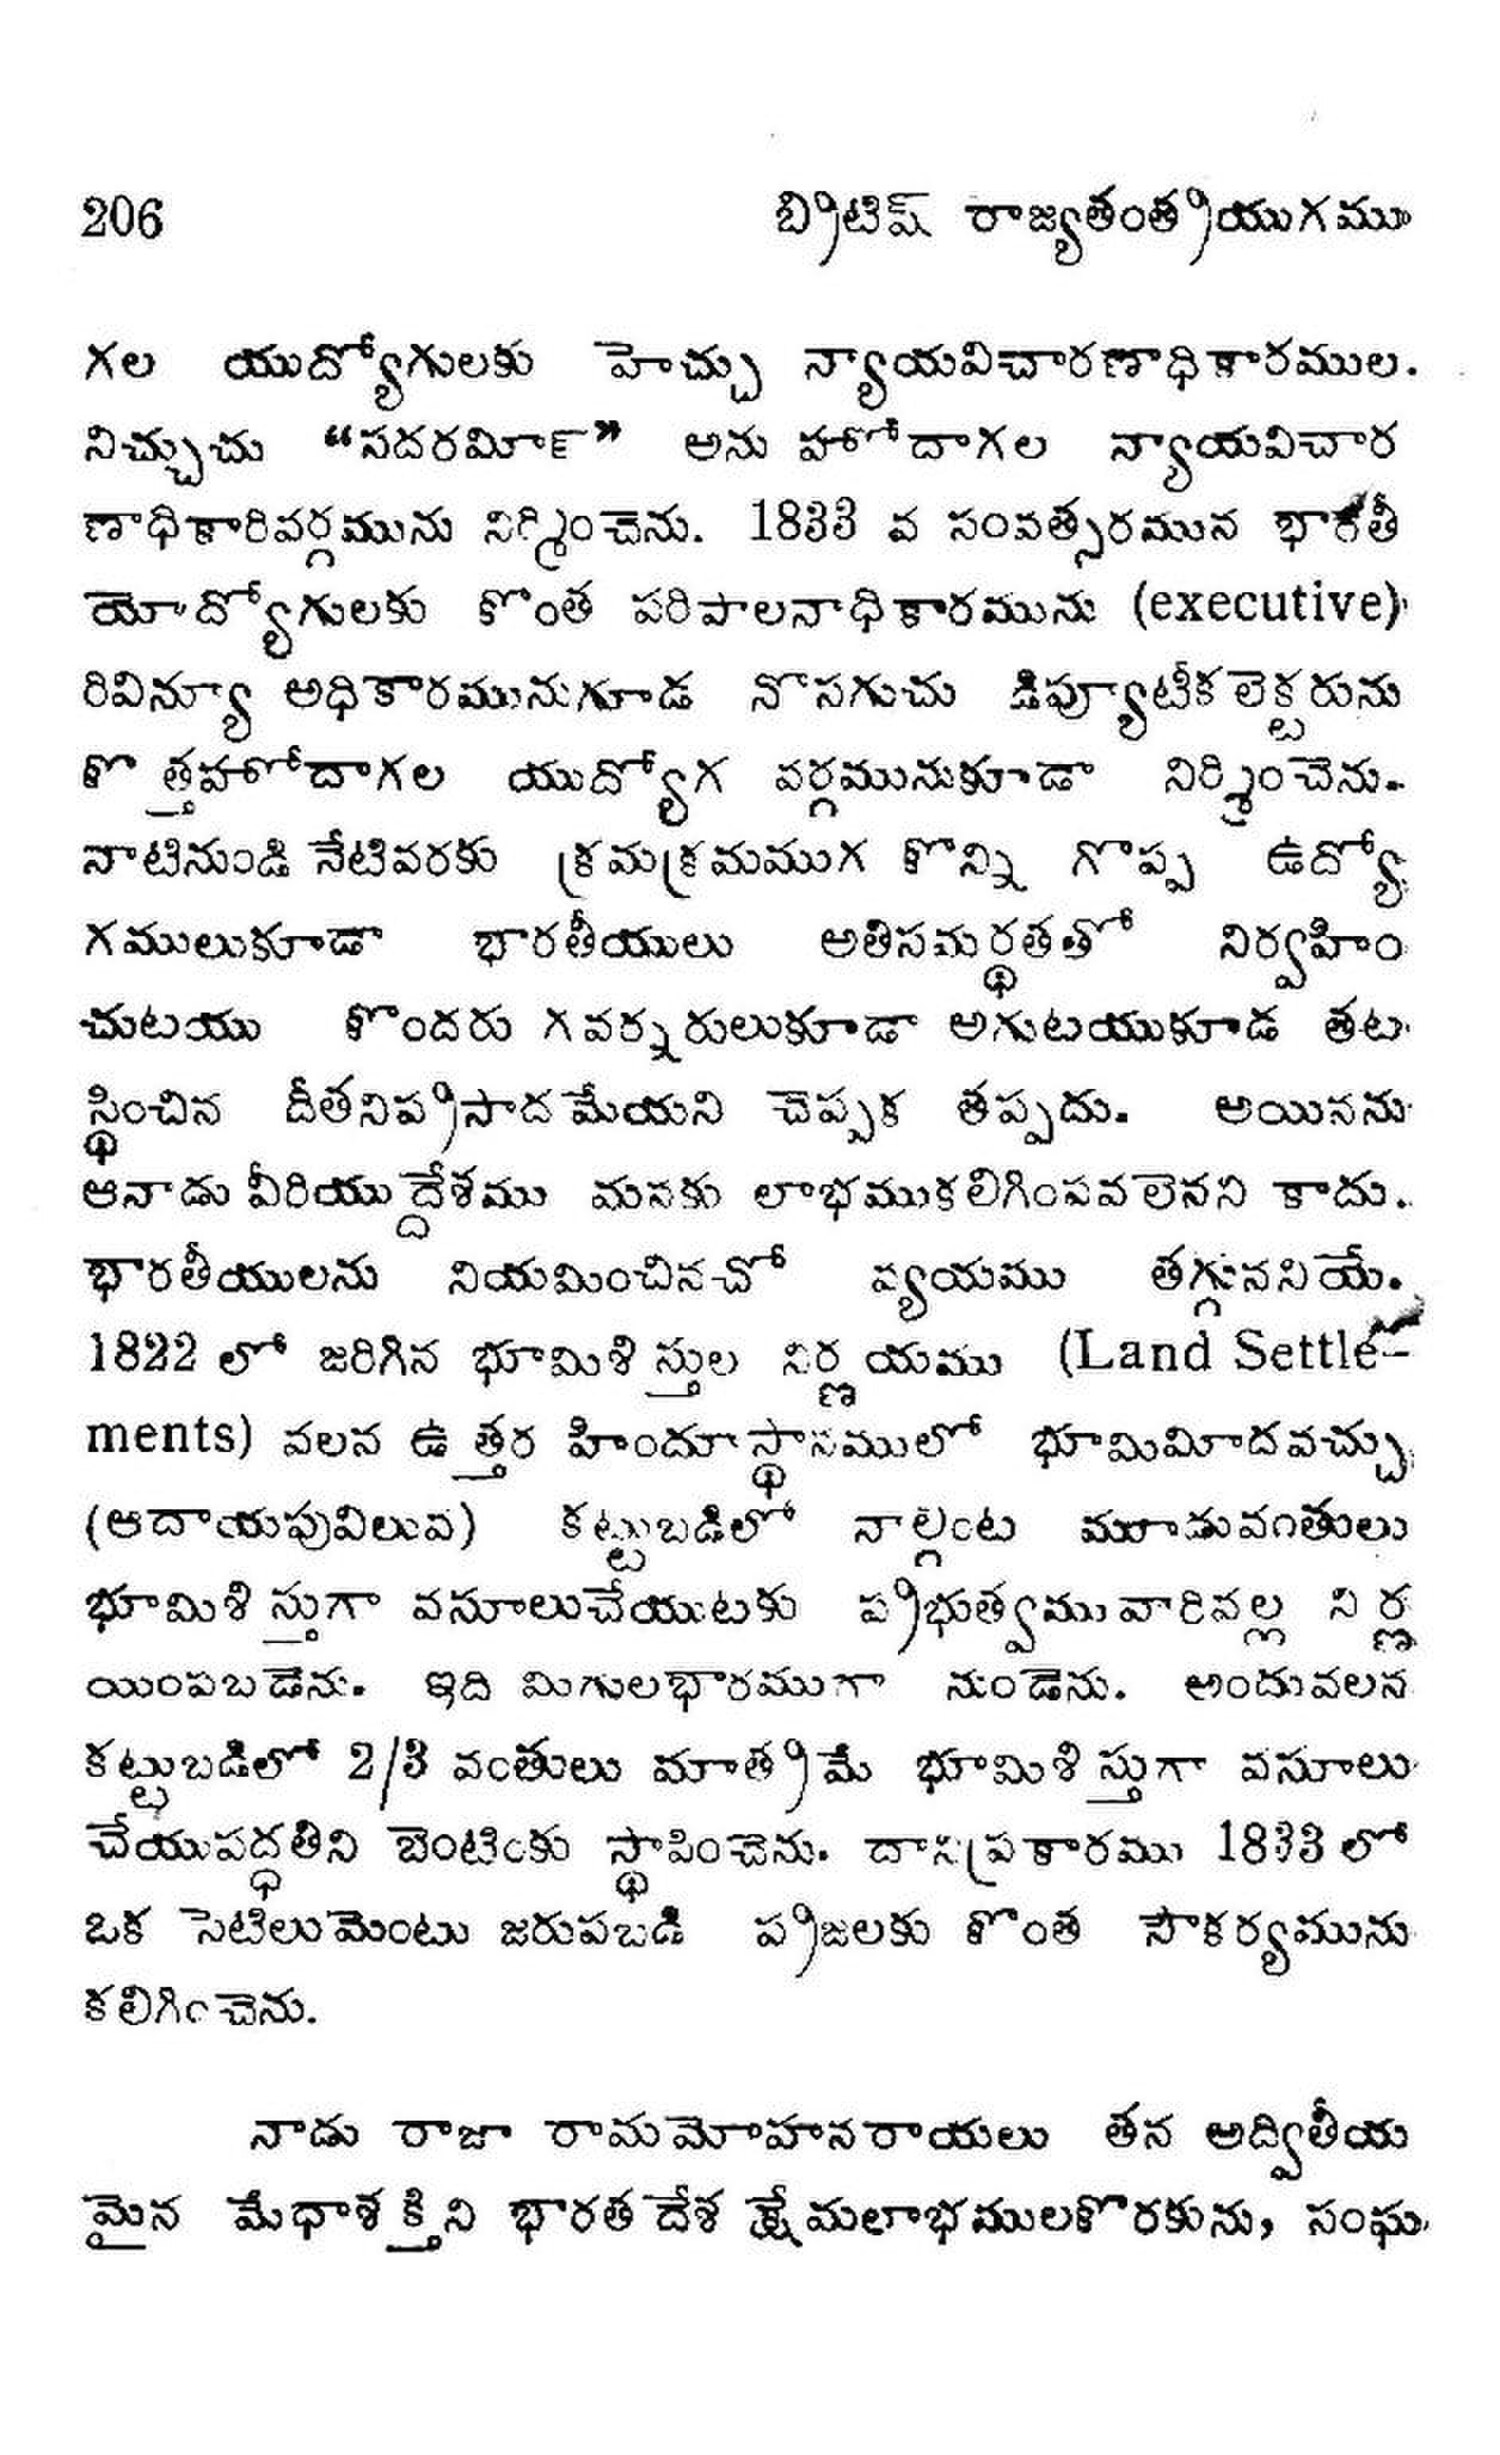గల యుద్యోగులకు హెచ్చు న్యాయవిచారణాధికారముల నిచ్చుచు "సదరమీ౯" అను హోదాగల న్యాయవిచారణాధికారి వర్గమును నిర్మించెను. 1833 వ సంవత్సరమున భారతీయోద్యోగులకు కొంత పరిపాలనాధికారమును (executive), రివిన్యూ అధికారమునుగూడ నొసగుచు డిప్యూటీకలెక్టరును కొత్తహోదాగల యుద్యోగ వర్గమునుకూడా నిర్మించెను. నాటినుండి నేటివరకు క్రమక్రమముగ కొన్ని గొప్ప ఉద్యోగములుకూడా భారతీయులు అతిసమర్థతతో నిర్వహించుటయు కొందరు గవర్నరులుకూడా అగుటయుకూడ తటస్థించిన దీతనిప్రసాదమేయని చెప్పక తప్పదు. అయినను ఆనాడు వీరియుద్దేశము మనకు లాభముకలిగింపవలెనని కాదు. భారతీయులను నియమించినచో వ్యయము తగ్గుననియే., 1822 లో జరిగిన భూమిశిస్తుల నిర్ణయము (Land Settlements) వలన ఉత్తర హిందూస్థానములో భూమిమీదవచ్చు (ఆదాయపు విలువ) కట్టుబడిలో నాల్గింట మూడువంతులు భూమిశిస్తుగా వసూలుచేయుటకు ప్రభుత్వము వారివల్ల నిర్ణయింపబడెను. ఇది మిగులభారముగా నుండెను. అందువలన కట్టుబడిలో 2/3 వంతులు మాత్రమే భూమిశిస్తుగా వసూలు చేయుపద్ధతిని బెంటింకు స్థాపించెను. దానిప్రకారము 1833 లో ఒక సెటిలుమెంటు జరుపబడి ప్రజలకు కొంత సౌకర్యమును కలిగించెను.

నాడు రాజా రామమోహనరాయలు తన అద్వితీయమైన మేధాశక్తిని భారతదేశ క్షేమలాభములకొరకును, సంఘ,